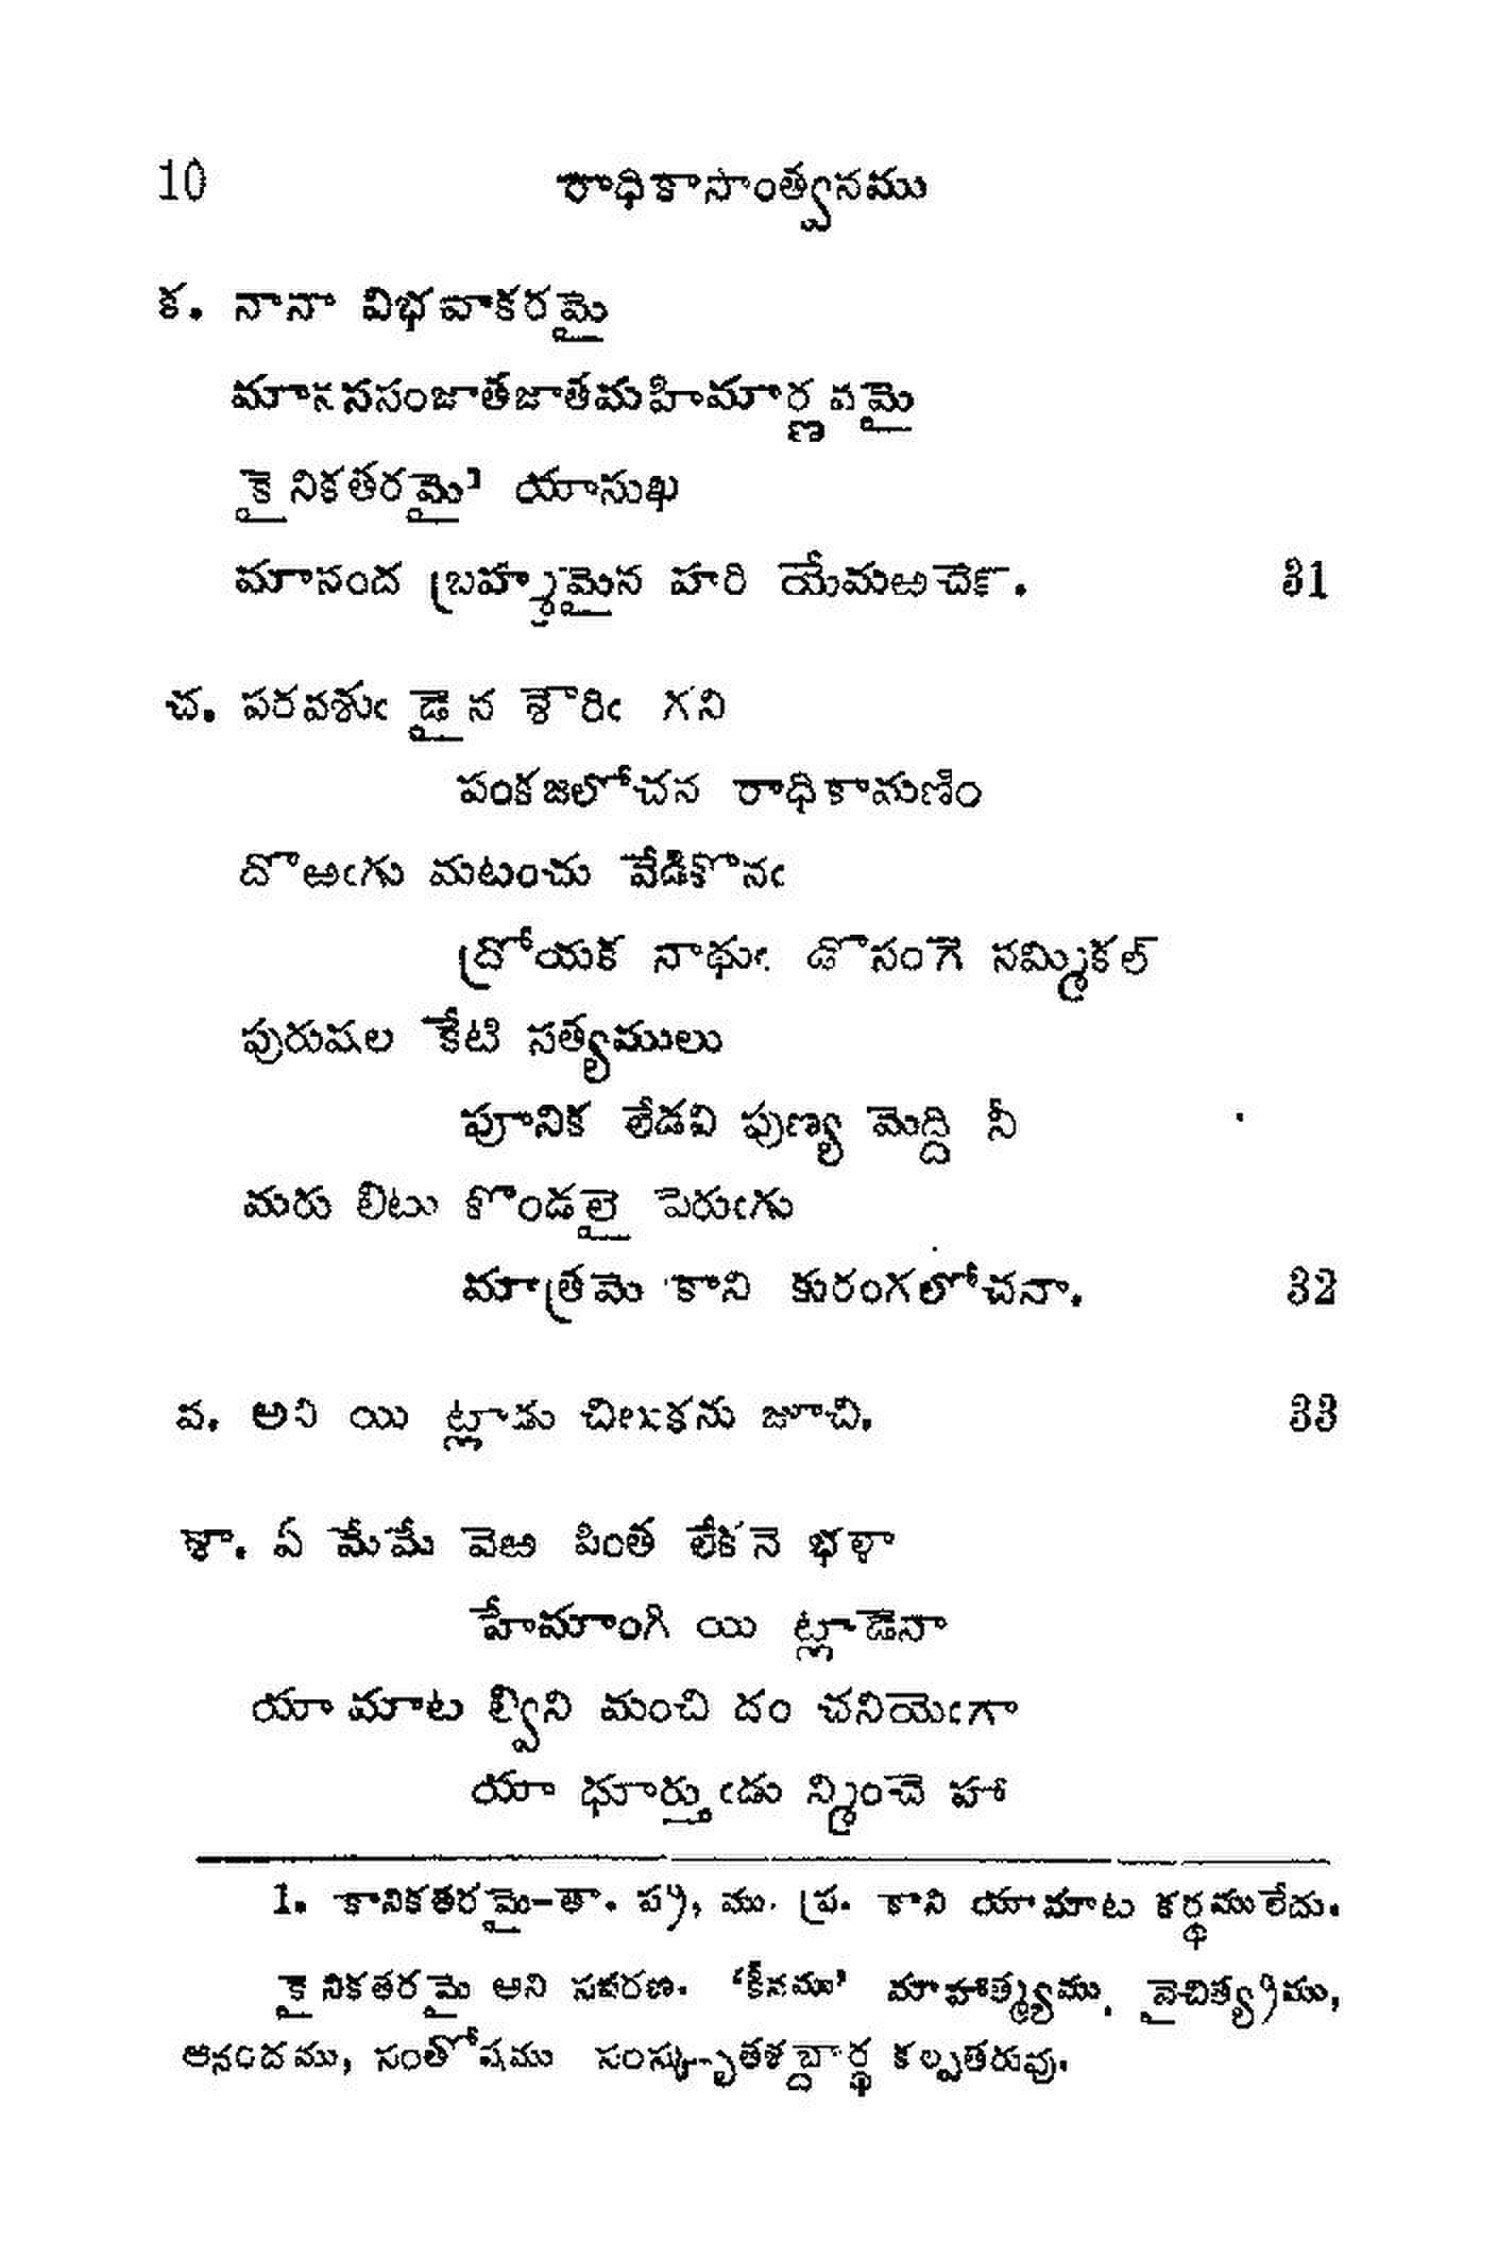క. నానా విభవాకరమై
మానససంజాతజాతమహిమార్ణవమై
కైనికతరమై యాసుఖ
మానందబ్రహ్మమైన హరి యేమఱచెన్. 31

చ. పరవశుఁ డైన శౌరిఁ గని పంకజలోచన రాధికామణిం
దొఱఁగు మటంచు వేడికొనఁ ద్రోయక నాథుఁ డొసంగె నమ్మికల్
పురుషల కేటి సత్యములు పూనిక లేడవి పుణ్య మెద్ది నీ
మరు లిటు కొండలై పెరుఁగు మాత్రమె కాని కురంగలోచనా. 32

వ. అని యి ట్లాడు చిలుకను జూచి. 33

శా. ఏ మేమే వెఱ పింత లేకనె భళా హేమాంగి యి ట్లాడెనా
యామాట ల్విని మంచి దం చనియెఁగా యా ధూర్తుడు న్మించె హా